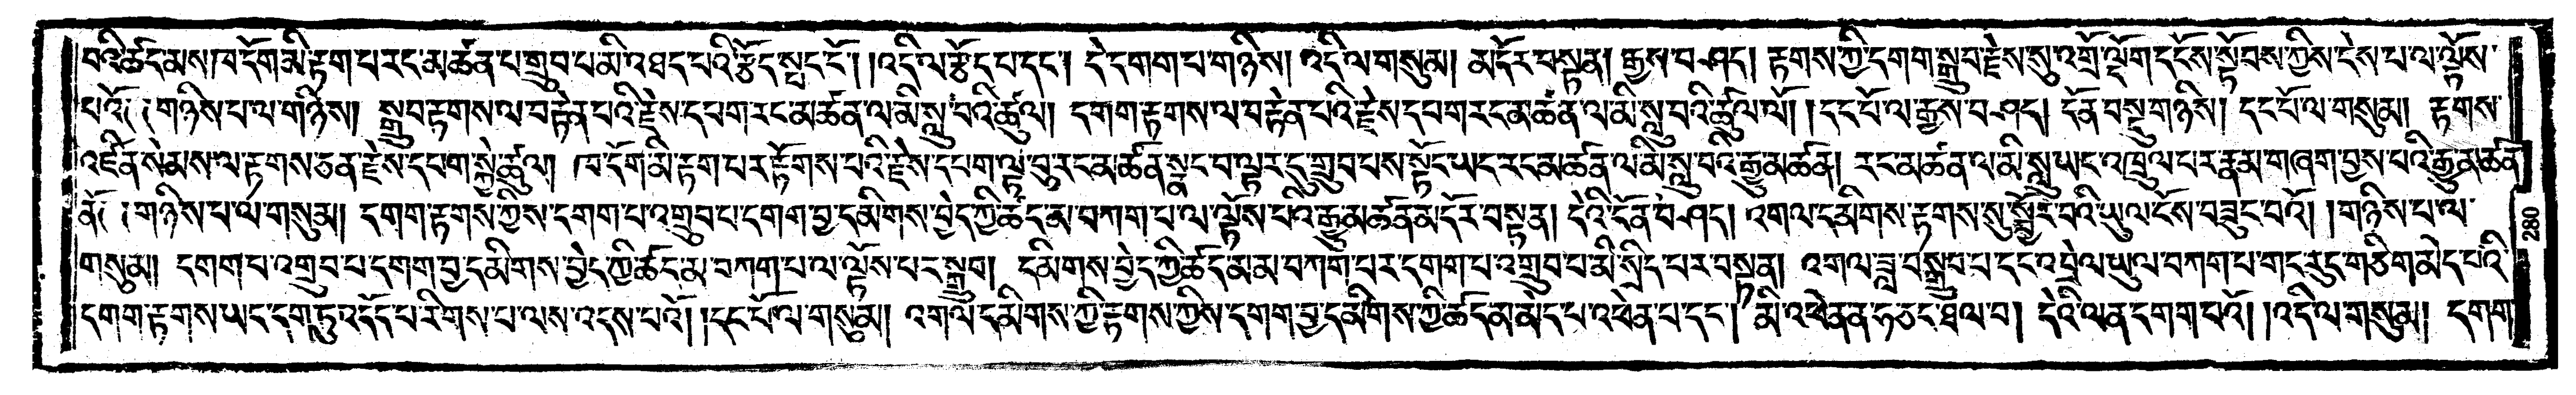བའི་ཚད་མས་ཁ་དོག་མི་རྟག་པ་རང་མཚན་པ་གྲུབ་པ་མི་འཐད་པའི་རྩོད་སྤང་ངོ། །འདི་ལ་རྩོད་པ་དང་། དེ་དགག་པ་གཉིས། འདི་ལ་གསུམ། མདོར་བསྟན། རྒྱས་བཤད། རྟགས་ཀྱི་དགག་སྒྲུབ་རྗེས་སུ་འགྲོ་ལྡོག་དངོས་སྟོབས་ཀྱིས་ངེས་པ་ལ་ལྟོས་
པའོ། །གཉིས་པ་ལ་གཉིས། སྒྲུབ་རྟགས་ལ་བརྟེན་པའི་རྗེས་དཔག་རང་མཚན་ལ་མི་སླུ་བའི་ཚུལ། དགག་རྟགས་ལ་བརྟེན་པའི་རྗེས་དཔག་རང་མཚན་ལ་མི་སླུ་བའི་ཚུལ་ལོ། །དང་པོ་ལ་རྒྱས་བཤད། དོན་བསྡུ་གཉིས། དང་པོ་ལ་གསུམ། རྟགས་
འཛིན་སེམས་ལ་རྟགས་ཅན་རྗེས་དཔག་སྐྱེ་ཚུལ། ཁ་དོག་མི་རྟག་པར་རྟོགས་པའི་རྗེས་དཔག་ལྟ་བུ་རང་མཚན་སྣང་བ་ལྟར་དུ་གྲུབ་པས་སྟོང་ཡང་རང་མཚན་ལ་མི་སླུ་བའི་རྒྱུ་མཚན། རང་མཚན་ལ་མི་སླུ་ཡང་འཁྲུལ་པར་རྣམ་གཞག་བྱས་པའི་རྒྱུ་མཚན་
ནོ། །གཉིས་པ་ལ་གསུམ། དགག་རྟགས་ཀྱིས་དགག་པ་འགྲུབ་པ་དགག་བྱ་དམིགས་བྱེད་ཀྱི་ཚད་མ་བཀག་པ་ལ་ལྟོས་པའི་རྒྱུ་མཚན་མདོར་བསྟན། དེའི་དོན་བཤད། འགལ་དམིགས་རྟགས་སུ་སྦྱོར་བའི་ཡུལ་ངོས་བཟུང་བའོ། །གཉིས་པ་ལ་
གསུམ། དགག་པ་འགྲུབ་པ་དགག་བྱ་དམིགས་བྱེད་ཀྱི་ཚད་མ་བཀག་པ་ལ་ལྟོས་པར་སྒྲུབ། དམིགས་བྱེད་ཀྱི་ཚད་མ་མ་བཀག་པར་དགག་པ་འགྲུབ་པ་མི་སྲིད་པར་བསྟན། འགལ་ཟླ་བསྒྲུབ་པ་དང་འབྲེལ་ཡུལ་བཀག་པ་གང་རུང་གཅིག་མེད་པའི་
དགག་རྟགས་ཡང་དག་ཏུ་འདོད་པ་རིགས་པ་ལས་འདས་པའོ། །དང་པོ་ལ་གསུམ། འགལ་དམིགས་ཀྱི་རྟགས་ཀྱིས་དགག་བྱ་དམིགས་ཀྱི་ཚད་མ་མེད་པ་འཕེན་པ་དང་། མི་འཕེན་ན་ཧ་ཅང་ཐལ་བ། དེའི་ལན་དགག་པའོ། །འདི་ལ་གསུམ། དགག་